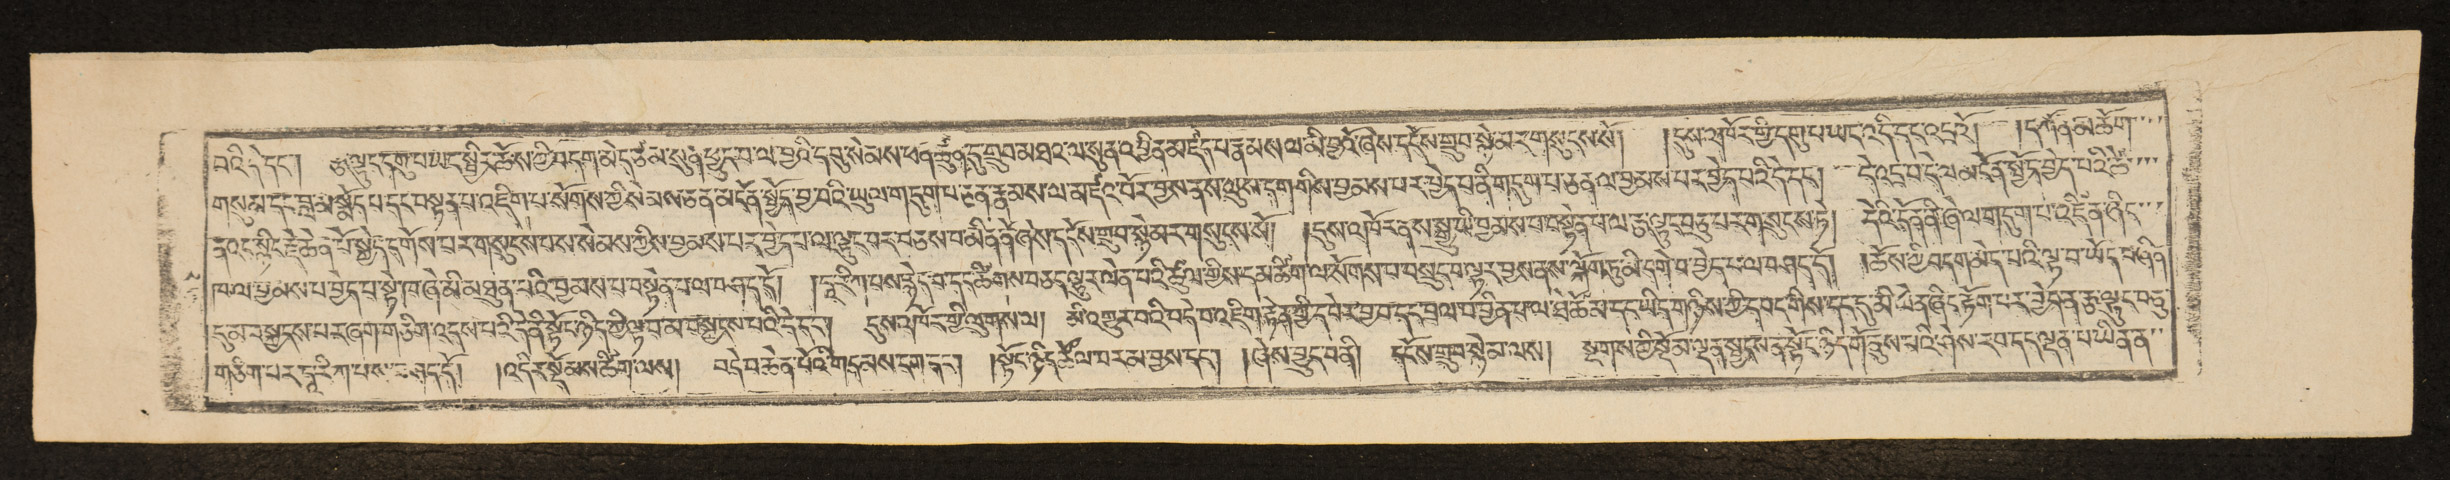བའི་དེ་དང་། རྩ་ལྟུང་དགུ་པ་ཡང་སྦྱིར་ཆོས་ཀྱི་བདག་མེད་ཙམ་སུན་ཕྱུང་བ་ལ་བྱའི་དབུ་སེམས་ཕན་ཚུན་དུ་གྲུབ་མཐའ་ལ་སུན་འབྱིན་མཛད་པ་རྣམས་ལ་མི་བྱའོ་ཞེས་དངོས་གྲུབ་སྙེ་མར་གསུངས་སོ། །དུས་འཁོར་གྱི་དགུ་པ་ཡང་འདི་དང་འདྲའོ། །དཀོན་མཆོག་
གསུམ་དང་བླ་མ་སྨོད་པ་དང་བསྟན་པ་འཇིག་པ་སོགས་ཀྱི་སེམས་ཅན་མངོན་སྤྱོད་བྱ་བའི་ཡུལ་གདུག་པ་ཅན་རྣམས་ལ་མཛའ་བོར་བྱས་ནས་ལུས་ངག་གིས་བྱམས་པར་བྱེད་པ་ནི་གདུག་པ་ཅན་ལ་བྱམས་པར་བྱེད་པའི་དེ་དང་། དེ་འདྲ་བ་དེ་ལ་མངོན་སྤྱོད་བྱེད་པའི་ཚེ་
ནའང་སྙིང་རྗེ་ཆེན་པོ་སྐྱེད་དགོས་པར་གསུངས་པས་སེམས་ཀྱིས་བྱམས་པར་བྱེད་པ་ལ་ལྟུང་བར་བཅས་པ་མིན་ནོ་ཞེས་དངོས་གྲུབ་སྙེ་མར་གསུངས་སོ། །དུས་འཁོར་ནས་སྒྱུ་ཡི་བྱམས་བ་བསྟེན་པ་ལ་རྩ་ལྟུང་བཅུ་བར་གསུངས་ཏེ། དེའི་དོན་ནི་ཞེ་ལ་གདུག་པ་འཛིན་ཞིང་
ཁ་ལ་བྱམས་པ་བྱེད་པ་སྟེ་ཁ་ཞེ་མི་མཐུན་པའི་བྱམས་པ་བསྟེན་པ་ལ་བཤད་དོ། །དཱ་རིཀ་པས་རྙེད་པ་དང་ཚིགས་བཅད་ལྟུར་ལེན་པའི་ཚུལ་གྱིས་དམ་ཚིག་ལ་སོགས་པ་བསྲུང་བ་ལྟར་བྱས་ནས་ལྐོག་ཏུ་མི་དགེ་བ་བྱེད་པ་ལ་བཤད་དོ། །ཆོས་ཀྱི་བདག་མེད་པའི་ལྟ་བ་ཡོད་བཞིན་
དུ་མ་བསྐྱངས་པར་ཞག་གཅིག་འདས་བའི་དེ་ནི་སྟོང་ཉིད་ཀྱི་ལྟ་བ་མ་བསྐྱངས་པའི་དེ་དང་། དུས་འཁོར་གྱི་ལུགས་ལ། མི་འགྱུར་བའི་བདེ་བ་འཇིག་རྟེན་ཀྱི་དཔེར་བྱ་བ་དང་བྲལ་བ་བྱིན་པ་ལ་ཐེག་ཚོམ་དང་ཡིད་གཉིས་ཀྱི་དབང་གིས་དང་དུ་མི་ལེན་ཞིང་རྟོག་པར་བྱེད་ན་རྩ་ལྟུང་བཅུ་
གཅིག་པར་དཱ་རི་ཀ་པས་བཤད་དོ། །འདིར་སྡོམས་ཚིག་ལས། བདེ་བ་ཆེན་པོའི་གདམས་ངག་དང་། །སྟོང་ཉིད་ཚོལ་བར་མ་བྱས་དང་། །ཞེས་བྱུང་བ་ནི། དངོས་གྲུབ་སྙེ་མ་ལས། སྔགས་ཀྱི་སྔོམ་ལྡན་སྦྱངས་ན་སྟོང་ཉིད་གོ་ནུས་པའི་ཤེས་རབ་དད་ལྡན་པ་ཡིན་ན་